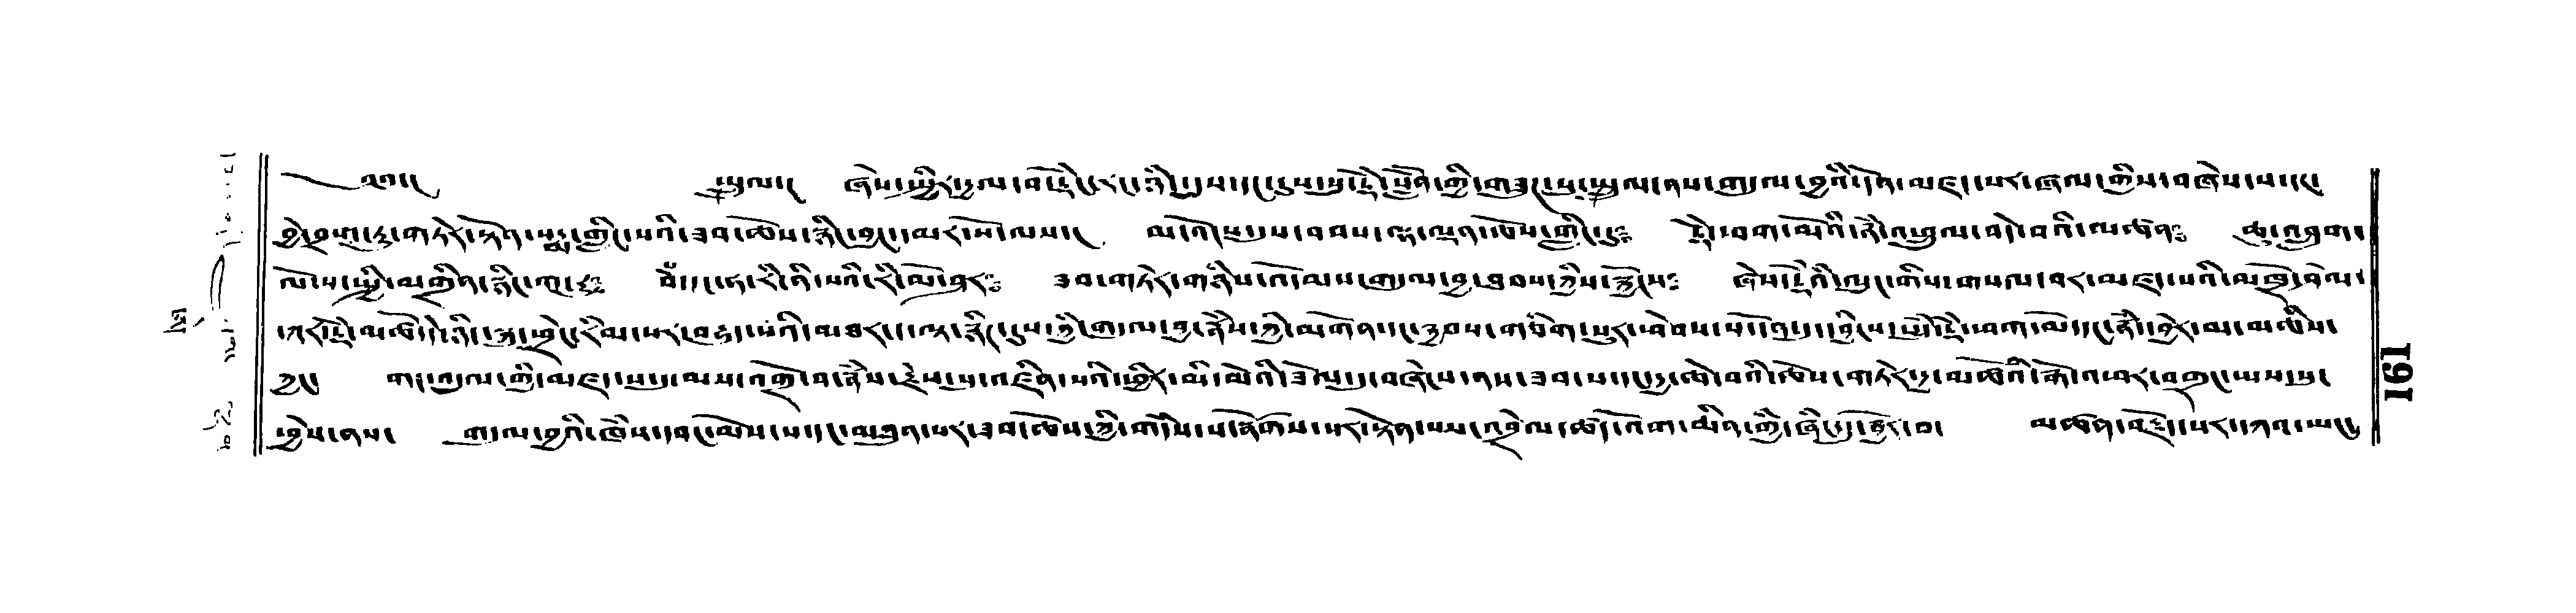སྤྲུལ། ཞེས་སྤྱིར་རྒྱལ་བ་རྡོ་རྗེ་འཆང་རང་ཉིད་དུས་དང་དུས་སུ་རྡོ་རྗེ་སློབ་དཔོན་གྱི་གཟུགས་སུ་སྤྲུལ་ནས་གདུལ་བྱའི་དོན་མཛད་པར་ཞལ་གྱིས་བཞེས་པ་དང་། 
བྱེ་བྲག་ཏུ་གཏེར་སྟོན་པདྨ་གླིང་པའི་ཟབ་ཆོས་སྙིང་བྱང་དམར་པོ་ལས། མ་འོངས་དུས་བབས་ལྷ་ལྡན་ཆོས་གླིང་དུ༔ རྡོ་རྗེ་ཕག་མོའི་རྣམ་འཕྲུལ་བདེ་བའི་མཚན༔ ཆུ་འབྲུག་
ལོ་བ་སྤྱི་མགྲིན་སྙིང་ག་རུ༔ བྃ་དང་ཧ་རི་ནི་སའི་རི་མོ་ཤར༔ ཟབ་གཏེར་གཉིས་འདོམས་གདུལ་བྱ་ཐབས་ཀྱིས་སྐྱོང༔ ཞེས་རྡོ་རྗེའི་ལུང་གིས་གསལ་བར་མཛད་པའི་མཁའ་འགྲོ་ཤེལ་
དཀར་རྡོ་རྗེ་མཚོ་དེ་ཉིད་སྐུ་ཕྲེང་རིམ་པར་བརྒྱུད་པའི་མཐར་ད་ལྟ་སྙིགས་དུས་ཀྱི་གདུལ་བྱ་རྣམས་ཀྱི་མགོན་དང་སྐྱབས་གཅིག་པུར་ཕེབས་པ་དོན་དུ་དབྱིངས་ཡུམ་རྡོ་རྗེ་ཕག་མོ་དང་རྣམ་དབྱེར་མ་མཆིས་
ཀྱང་། གང་འདུལ་གྱི་མཛད་པ་དུ་མས་འགྲོ་བ་རྣམས་རྗེས་སུ་འཛིན་པའི་ཕྱིར་མི་མོའི་ཟོལ་དུ་བཞེངས་ནས་ཟབ་པ་དང་རྒྱ་ཆེ་བའི་ཆོས་གཏེར་རྒྱ་མཚོའི་སྒོ་འཕར་བགྲང་ཡས་སུ་
ཕྱེས་ནས། གདུལ་བྱའི་ཁམས་དབང་མོས་པ་དང་མཐུན་པར་ཟབ་ཆོས་ཀྱི་གདམས་པ་སྣ་ཚོགས་པར་སྟོན་པས་འབྲེལ་ཚད་འོག་མིན་གྱི་ཞིང་དུ་སྦྱོར་བ། མཚན་བརྗོད་པར་དཀའ་ཡང་